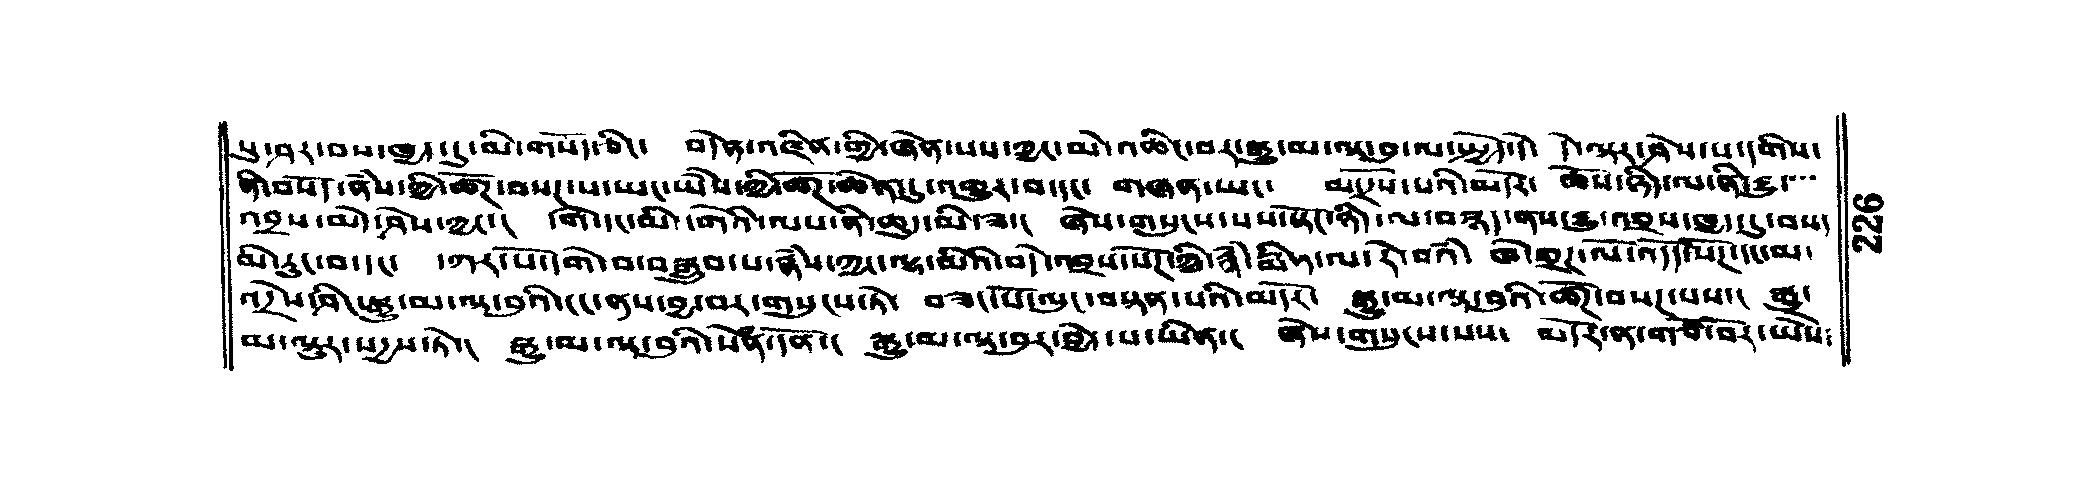སུ་ཤར་བས་ཁྱད་དུ་མི་གསོད་ཅིང་། བདེན་འཛིན་གྱི་ཞེན་པས་ཀྱང་མི་འཆིང་བར་སྒྱུ་མ་ལྟ་བུ་ལ་སྤྱོད་དེ། དེ་ལྟར་ཤེས་པ་དག་གིས་
ནི་བསོད་ནམས་ཀྱི་ཚོགས་བསགས་པ་ཡང་ཡེ་ཤེས་ཀྱི་ཚོགས་ཆེན་དུ་འགྱུར་བ་དང་།གཞན་ཡང་། མ་དྲོས་པའི་མདོར། ཆོས་ཉིད་ལ་ནི་རྒྱུ་
འབྲས་མེད་ཤེས་ཀྱང་། །དགེ་དང་མི་དགེའི་ལས་ནི་ཆུད་མི་ཟ། ཞེས་གསུངས་པས་སྟོང་ཉིད་ལ་བསྙད་ནས་རྒྱུ་འབྲས་ཁྱད་དུ་བསད་
མི་རུང་བ་དང་། དཀར་པོ་དགེ་བ་བསྒྲུབ་པ་རྣམས་ཀྱང་ལྷ་མིའི་བདེ་འབྲས་སོགས་ཀྱི་རྣམ་སྨིན་ལ་རེ་བའམ། ཁེ་གྲགས་ལོ་འདོད་སོགས་དང་མ་
འདྲེས་ཤིང་སྒྱུ་མ་ལྟ་བུའི་ངང་ནས་བྱ་བར་གསུངས་ཏེ། བཟང་པོ་ལུང་བསྟན་པའི་མདོར། །སྒྱུ་མ་ལྟ་བུའི་ཚོགས་བསགས་པས། །སྒྱུ་
མ་ལྟ་བུར་སངས་རྒྱས་ཏེ། སྒྱུ་མ་ལྟ་བུའི་སེམས་ཅན་དོན། སྒྱུ་མ་ལྟ་བུར་བྱེད་པ་ཡིན། ཞེས་གསུངས་པས། མདོར་ན་གཙོ་བོར་ཡེ་ཤེས་